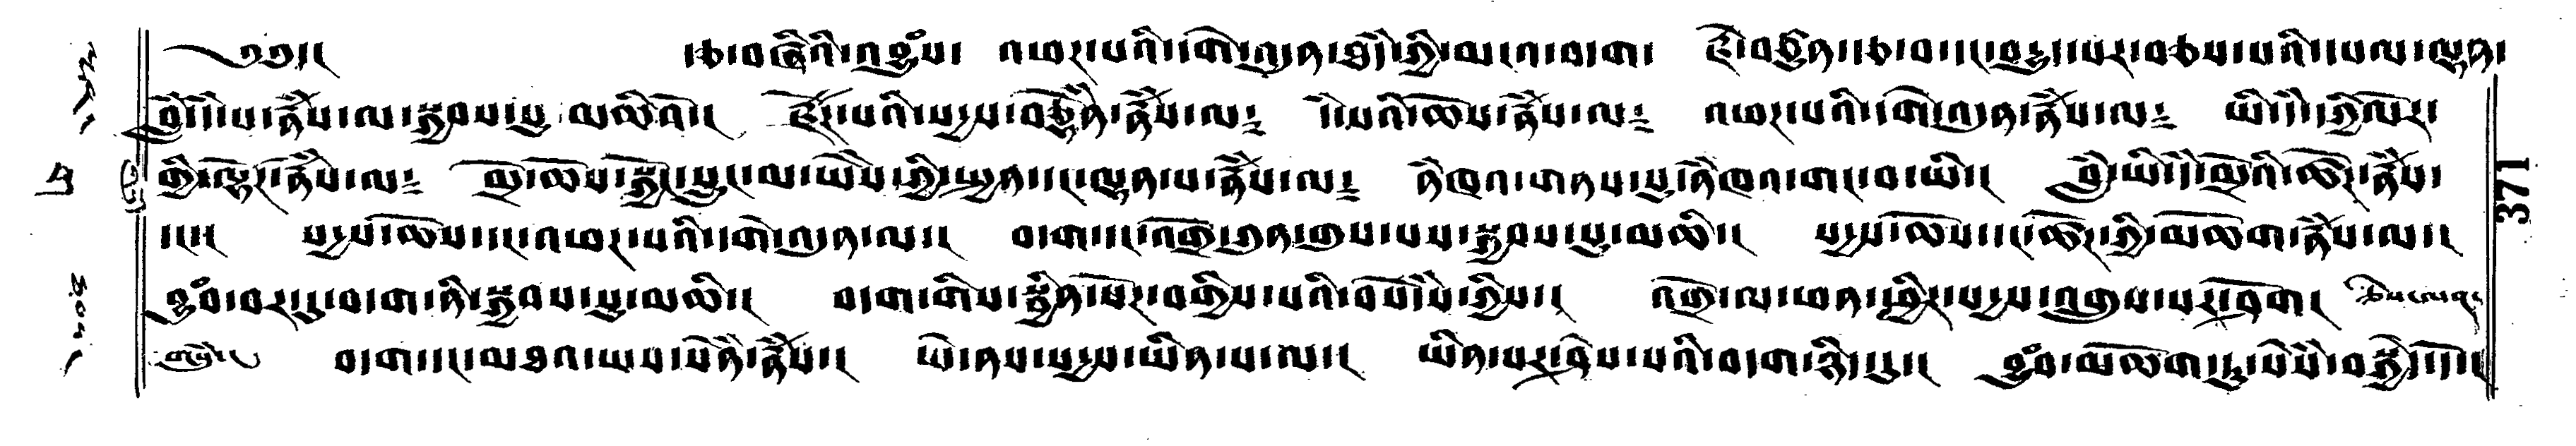རྩ་བཞིའི་འབྱུང་གནས། འཕགས་པའི་དགེ་འདུན་ཐམས་ཅད་ཀྱི་མངའ་བདག རྗེ་བཙུན་རྩ་བ་དང་བརྒྱུད་པར་བཅས་པའི་དཔལ་ལྡན་
བླ་མ་དམ་པ་རྣམས་ལ་སྐྱབས་སུ་མཆིའོ། རྫོགས་པའི་སངས་རྒྱས་བཅོམ་ལྡན་འདས་རྣམས་ལ༴ དམ་པའི་ཆོས་རྣམས་ལ༴ འཕགས་པའི་དགེ་འདུན་རྣམས་ལ༴ ཡི་དམ་དཀྱིལ་འཁོར་
གྱི་ལྷ་ཚོགས་རྣམས་ལ༴ མཁའ་འགྲོ་ཆོས་སྐྱོང་སྲུང་མ་ཡེ་ཤེས་ཀྱི་སྤྱན་དང་ལྡན་པ་རྣམས་ལ༴ ནམ་མཁའི་གནས་སུ་ནམ་མཁའ་གང་བ་ཡི། །བླ་མ་ཡི་དམ་མཁའ་འགྲོའི་ཚོགས་རྣམས་
དང་། །སངས་རྒྱས་ཆོས་དང་འཕགས་པའི་དགེ་འདུན་ལ། །བདག་དང་འགྲོ་ཀུན་གུས་པས་སྐྱབས་སུ་མཆི། །སངས་རྒྱས་དང་ཚོགས་ཀྱི་མཆོག་རྣམས་ལ། །
བྱང་ཆུབ་བར་དུ་བདག་ནི་སྐྱབས་སུ་མཆི། །བདག་གིས་སྦྱིན་སོགས་བགྱིས་པའི་བསོད་ནམས་ཀྱིས། །འགྲོ་ལ་ཕན་ཕྱིར་སངས་རྒྱས་འགྲུབ་པར་ཤོག ཅེས་ལན་
གསུམ། བདག་དང་མཐའ་ཡས་སེམས་ཅན་རྣམས། །ཡེ་ནས་སངས་རྒྱས་ཡིན་པ་ལ། །ཡིན་པར་ཤེས་པའི་བདག་ཉིད་དུ། །བྱང་ཆུབ་མཆོག་ཏུ་སེམས་བསྐྱེད་དོ།